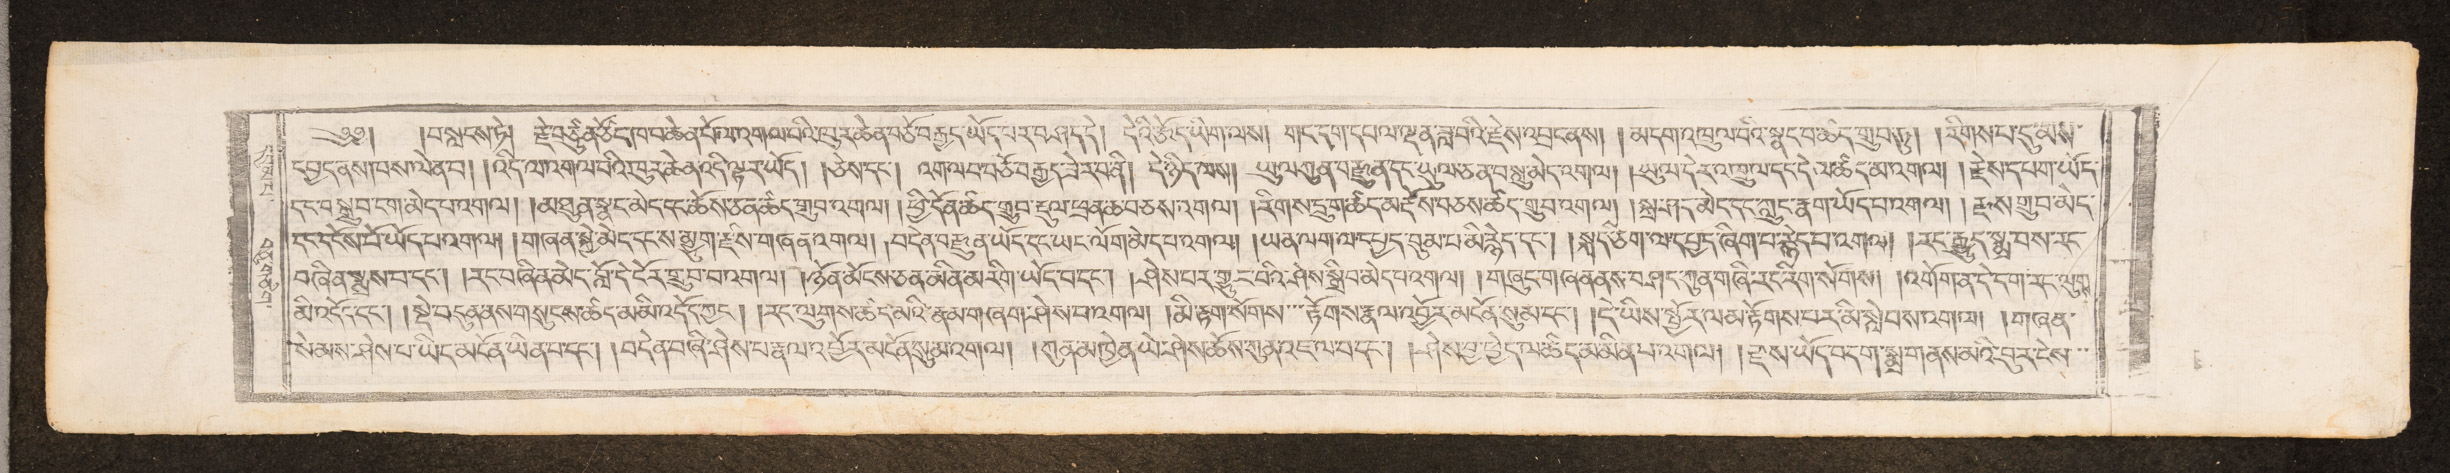༄༅། །བསླངས་ཏེ། རྗེ་བཙུན་ཙོང་ཁ་བ་ཆེན་པོ་ལ་འགལ་བའི་ཁུར་ཆེན་བཅོ་བརྒྱད་ཡོད་པར་བཤད་དེ། དེའི་རྩོད་ཡིག་ལས། གང་ངག་དཔལ་ལྡན་ཟླ་བའི་རྗེས་འབྲང་ནས། །མདག་འཁུལ་བའི་སྣང་བ་ཚད་གྲུབ་ཏུ། །རིགས་པ་དུ་མས་
དཔྱད་ནས་ཁས་ལེན་པ། །འདི་ལ་འགལ་བའི་ཁུར་ཆེན་འདི་ལྟར་ཡོད། །ཅེས་དང་། འགལ་བ་བཅོ་བརྒྱད་ཟེར་བ་ནི། དེ་ཉིད་ལས། ཡུལ་ཀུན་བརྫུན་དང་ཡུལ་ཅན་བསླུ་མེད་འགལ་།ཡུལ་དེར་འཁྲུལ་དང་དེ་ལ་ཚད་མ་འགལ། །རྗེས་དཔག་ཡོད་
དང་བསྒྲུབ་ངག་མེད་པ་འགལ། །མཐུན་སྣང་མེད་དང་ཆོས་ཅན་ཚད་གྲུབ་འགལ། །ཕྱི་དོན་ཚད་གྲུབ་རྡུལ་ཕྲན་ཆ་བཅས་འགལ། །རིགས་དྲུག་ཚད་མ་རྡོས་བཅས་ཚང་གྲུབ་འགལ། །སྐྲ་ཤད་མེད་དང་ཀླུང་རྣག་ཡོད་པ་འགལ། །རྫས་གྲུབ་མེད་
དང་དངོས་པོ་ཡོད་པ་འགལ། །གཞན་སྐྱེ་མེད་དང་ས་མྱུག་རྫས་གཞན་འགལ། །བདེན་བརྫུན་ཡོད་དང་ཡང་ལོག་མེད་པ་འགལ། །ཡན་ལག་ལ་དཔྱད་བུམ་པ་མི་རྙེད་དང་། སྐད་ཅིག་ལ་དཔྱད་ཞིག་པ་རྙེད་པ་འགལ། །རང་རྒྱུད་སྨྲ་བས་རང་
བཞིན་སྨྲས་པ་དང་། །རང་བཞིན་མེད་བློ་དེ་ངོར་གྲུབ་པ་འགལ། །ཉོན་མོངས་ཅན་མིན་མ་རིག་ཡོད་པ་དང་། །ཤེས་པར་གྱུར་པའི་ཤེས་སྒྲིབ་མེད་པ་འགལ། །གཞུང་གཞན་ནས་བཤད་ཀུན་གཞི་རང་རིག་སོགས། །འགོག་ན་དེ་དག་རང་ལུགས་
མི་འདོད་དང་། །སྡེ་བདུན་ནས་གསུངས་ཚད་མ་མི་འདོད་ཀྱང་། །རང་ལུགས་ཚད་མའི་རྣམ་གཞན་ཤེས་པ་འགལ། །མི་རྟག་སོགས་རྟོགས་རྣལ་འབྱོར་མངོན་སུམ་དང་། །དེ་ཡིས་སྦྱོར་ལམ་རྟོགས་པར་མི་སླེབས་འགལ། །གཞན་
སེམས་ཤེས་པ་ཡིད་མངོན་ཡིན་པ་དང་། བདེན་བཞི་ཤེས་པ་རྣལ་འབྱོར་མངོན་སུམ་འགལ། །ཀུན་མཁྱེན་ཡེ་ཤེས་ཆོས་ཀུན་འཇལ་བ་དང་། །ཤེས་བྱ་ཕྱེད་ལ་ཚད་མ་མིན་པ་འགལ། །རྫས་ཡོད་བདག་སྨྲ་གནས་མའི་བུར་ངེས་